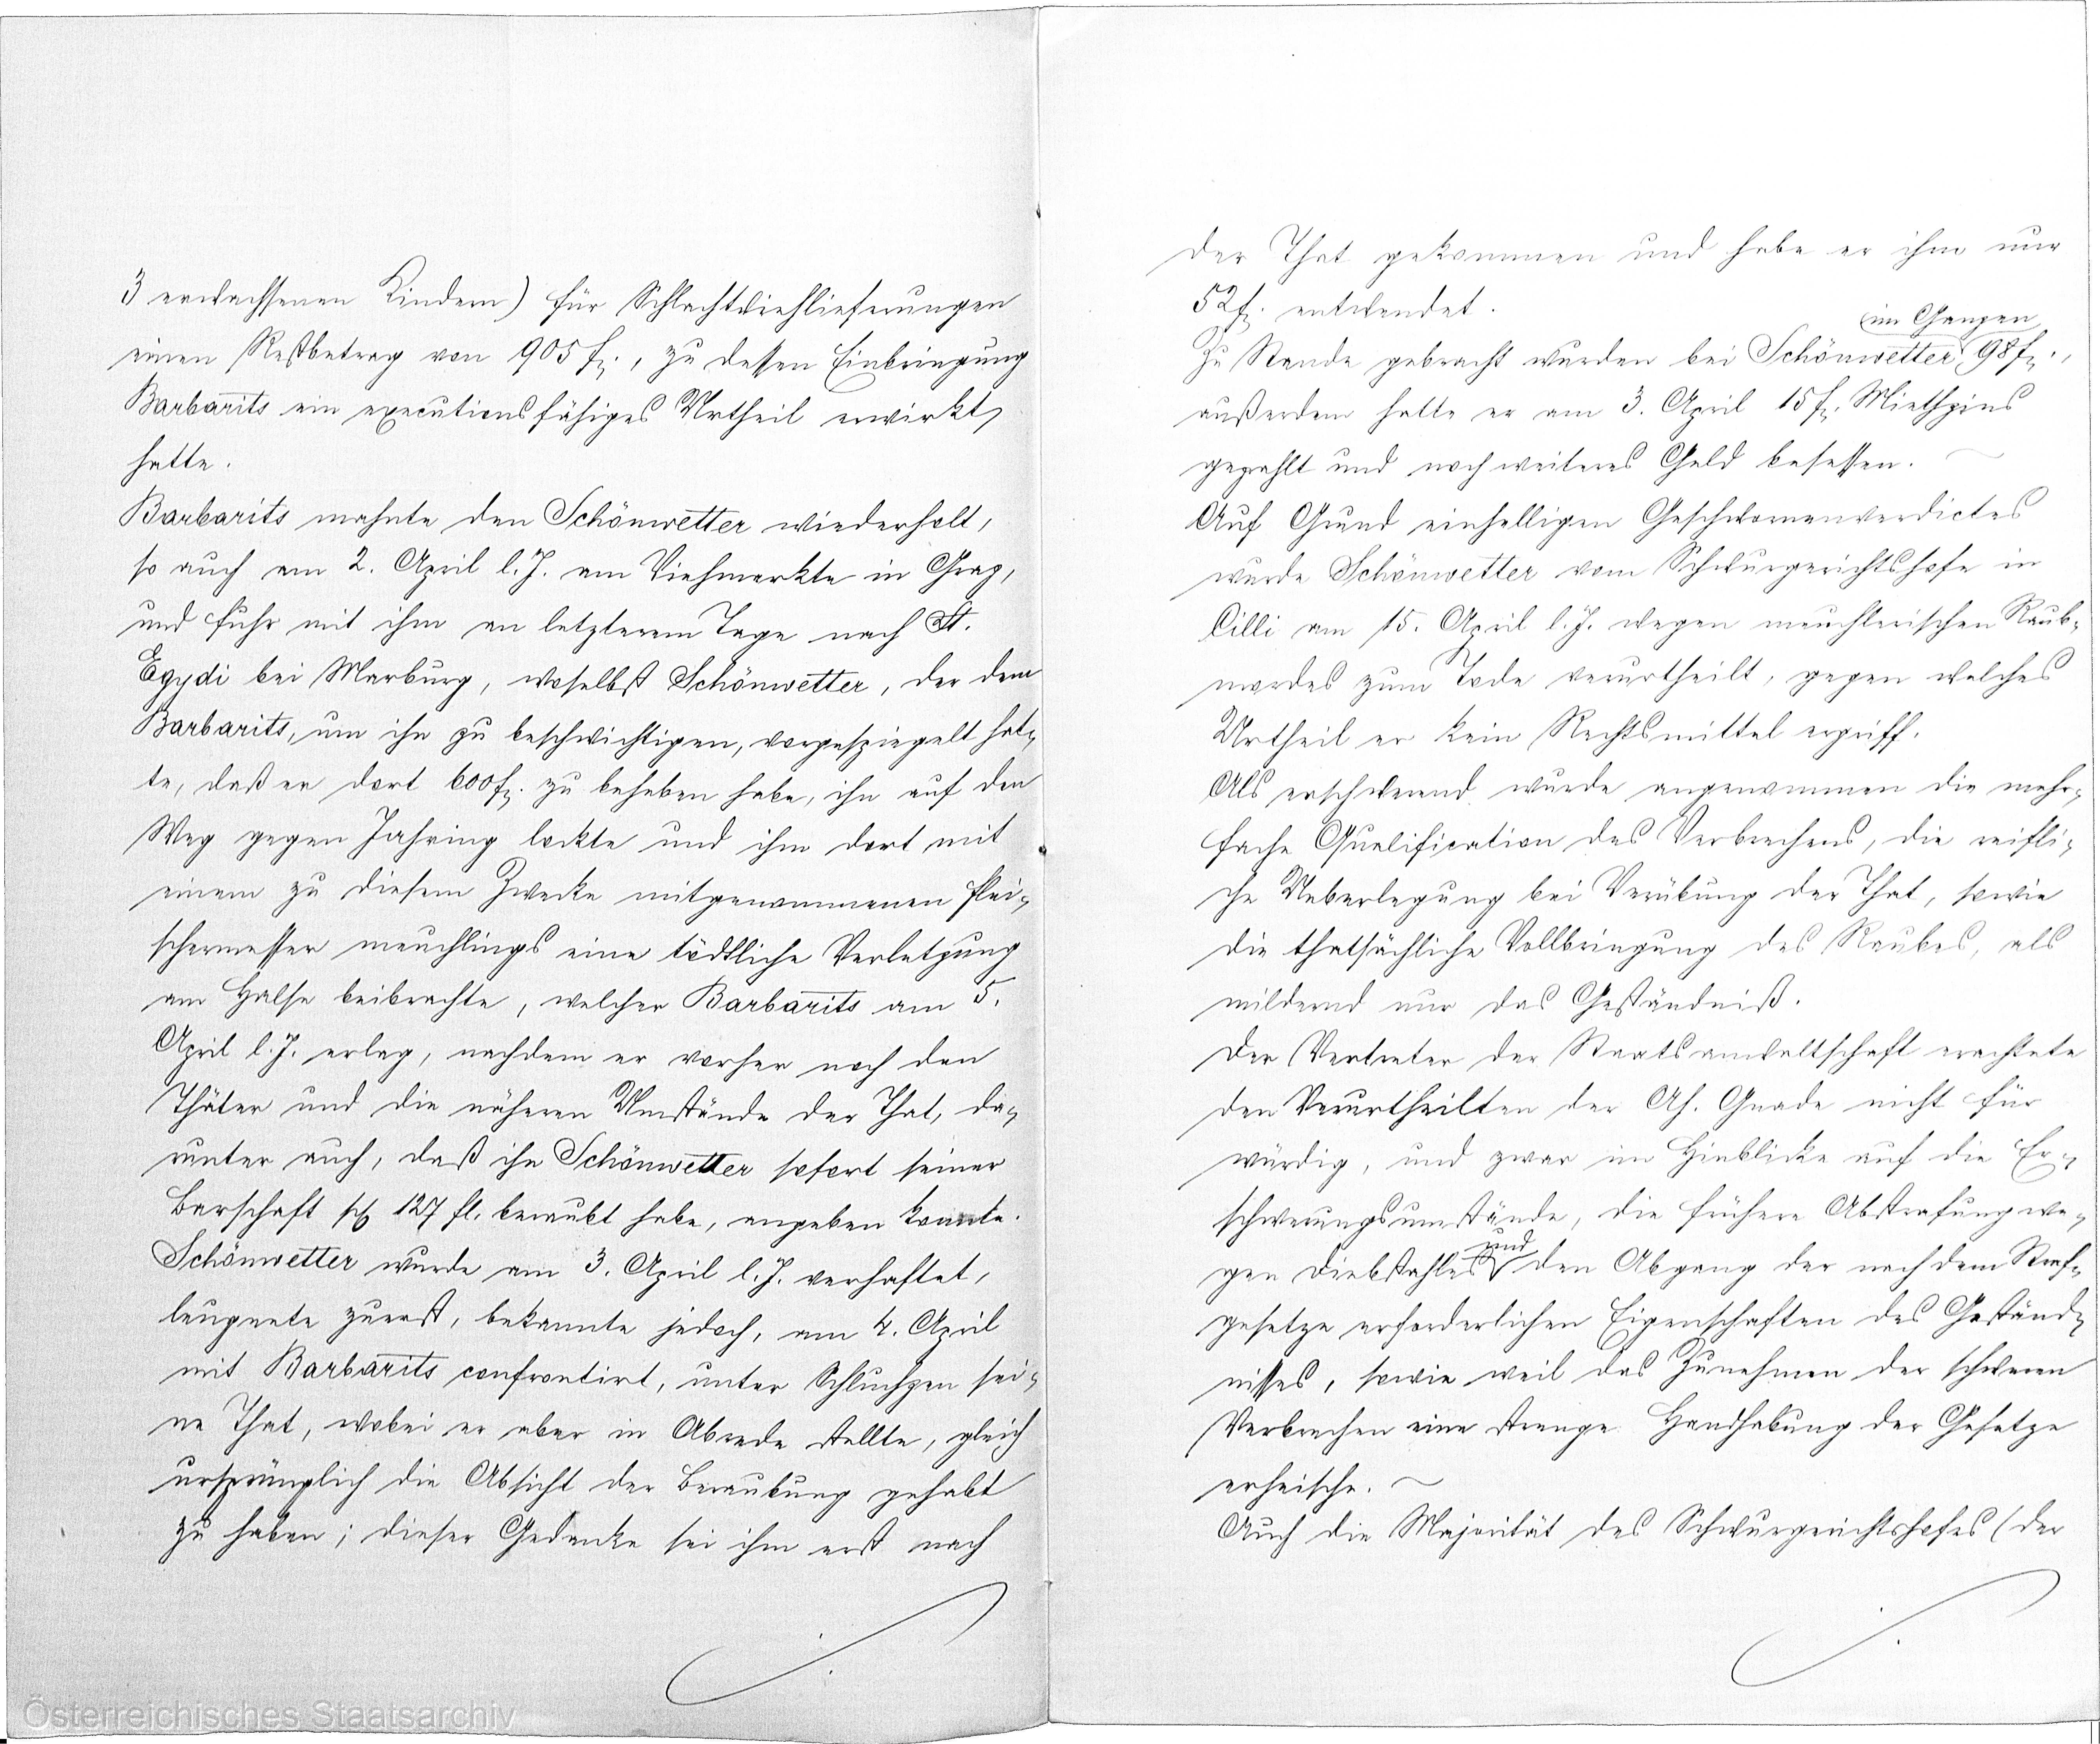erwachsenen Kindern) für Schachtviehlieferungen
einen Restbetrag von 905f., zu dessen Einbringung
Barbarits ein executionsfähiges Urtheil erwirkt
hatte.
Barbarits mahnte den Schönwetter wiederholt,
so auch am 2. April l. J. am Viehmarkte in Graz
und fuhr mit ihm an letzteren Tage nach St.
Egydi bei Marburg, woselbst Schönwetter, der dem
Barbarits, um ihn zu beschwichtigen, vorgespiegelt hat¬
te, daß er dort 600 f. zu beheben habe, ihn auf den
Weg gegen Jahring lockte und ihm dort mit
einem zu diesem Zwecke mitgenommenen Flei¬
schermesser meuchlings eine tödliche Verletzung
am Halse beibrachte, welcher Barbarits am 5.
April l. J. erlag, nachdem er vorher noch den
Thäter und die näheren Umstände der That, da¬
runter auch, daß ihn Schönwetter sofort seiner
Barschaft sc6 127fl beraubt habe, angeben konnte.
Schönwetter wurde am 3. April l. J. verhaftet,
leugnete zuerst, bekannte jedoch, am 4. April
mit Barbarits confrontirt, unter Schluchzen sei¬
ne That wobei er aber in Abrede stellte, gleich
ursprünglich die Absicht der Beraubung gehabt
zu haben; dieser Gedanke sei ihm erst nach
der That gekommen und habe er ihm nur
52f entwendet.
im Ganzen
Zu Stunde gebracht wurden bei Schönwetter 98f
außerdem hatte er am 3 April 15 f. Wirthzins
gezahlt und noch weiteres Geld besessen.
Auf Grund einhelligen Geschworenenverdictes
wurde Schönwetter vom Schwurgerichtshofe in
Cilli am 15. April l. J. wegen meuchlerischen Raub¬
mordes zum Tode verurtheilt, gegen welches
Urtheil er kein Rechtsmittel ergriff.
Als erschwerend wurde angenommen die mehr¬
fache Qualification des Verbrechens, die reifli¬
che Ueberlegung bei Verübung der That, sowie
die thatsächliche Vollbringung des Raubes, als
mildernd nur das Geständnis.
Der Vertreter der Staatsanwaltschaft erachtete
den Verutheilten der Ah. Gnade nicht für
würdig, und zwar im Hinblicke auf die Er¬
schwerungsumstände, die frühere Abstrafung we¬
und
gen Diebsthales den Abgang der nach dem Straf¬
gesetze erforderlichen Eigenschaften des Geständ¬
isses, sowie weil das Zunehmen der schweren
Verbrechen eine strenge Handhebung der Gesetze
erheische.
Auch die Majorität des Schwurgerichtshofes (der